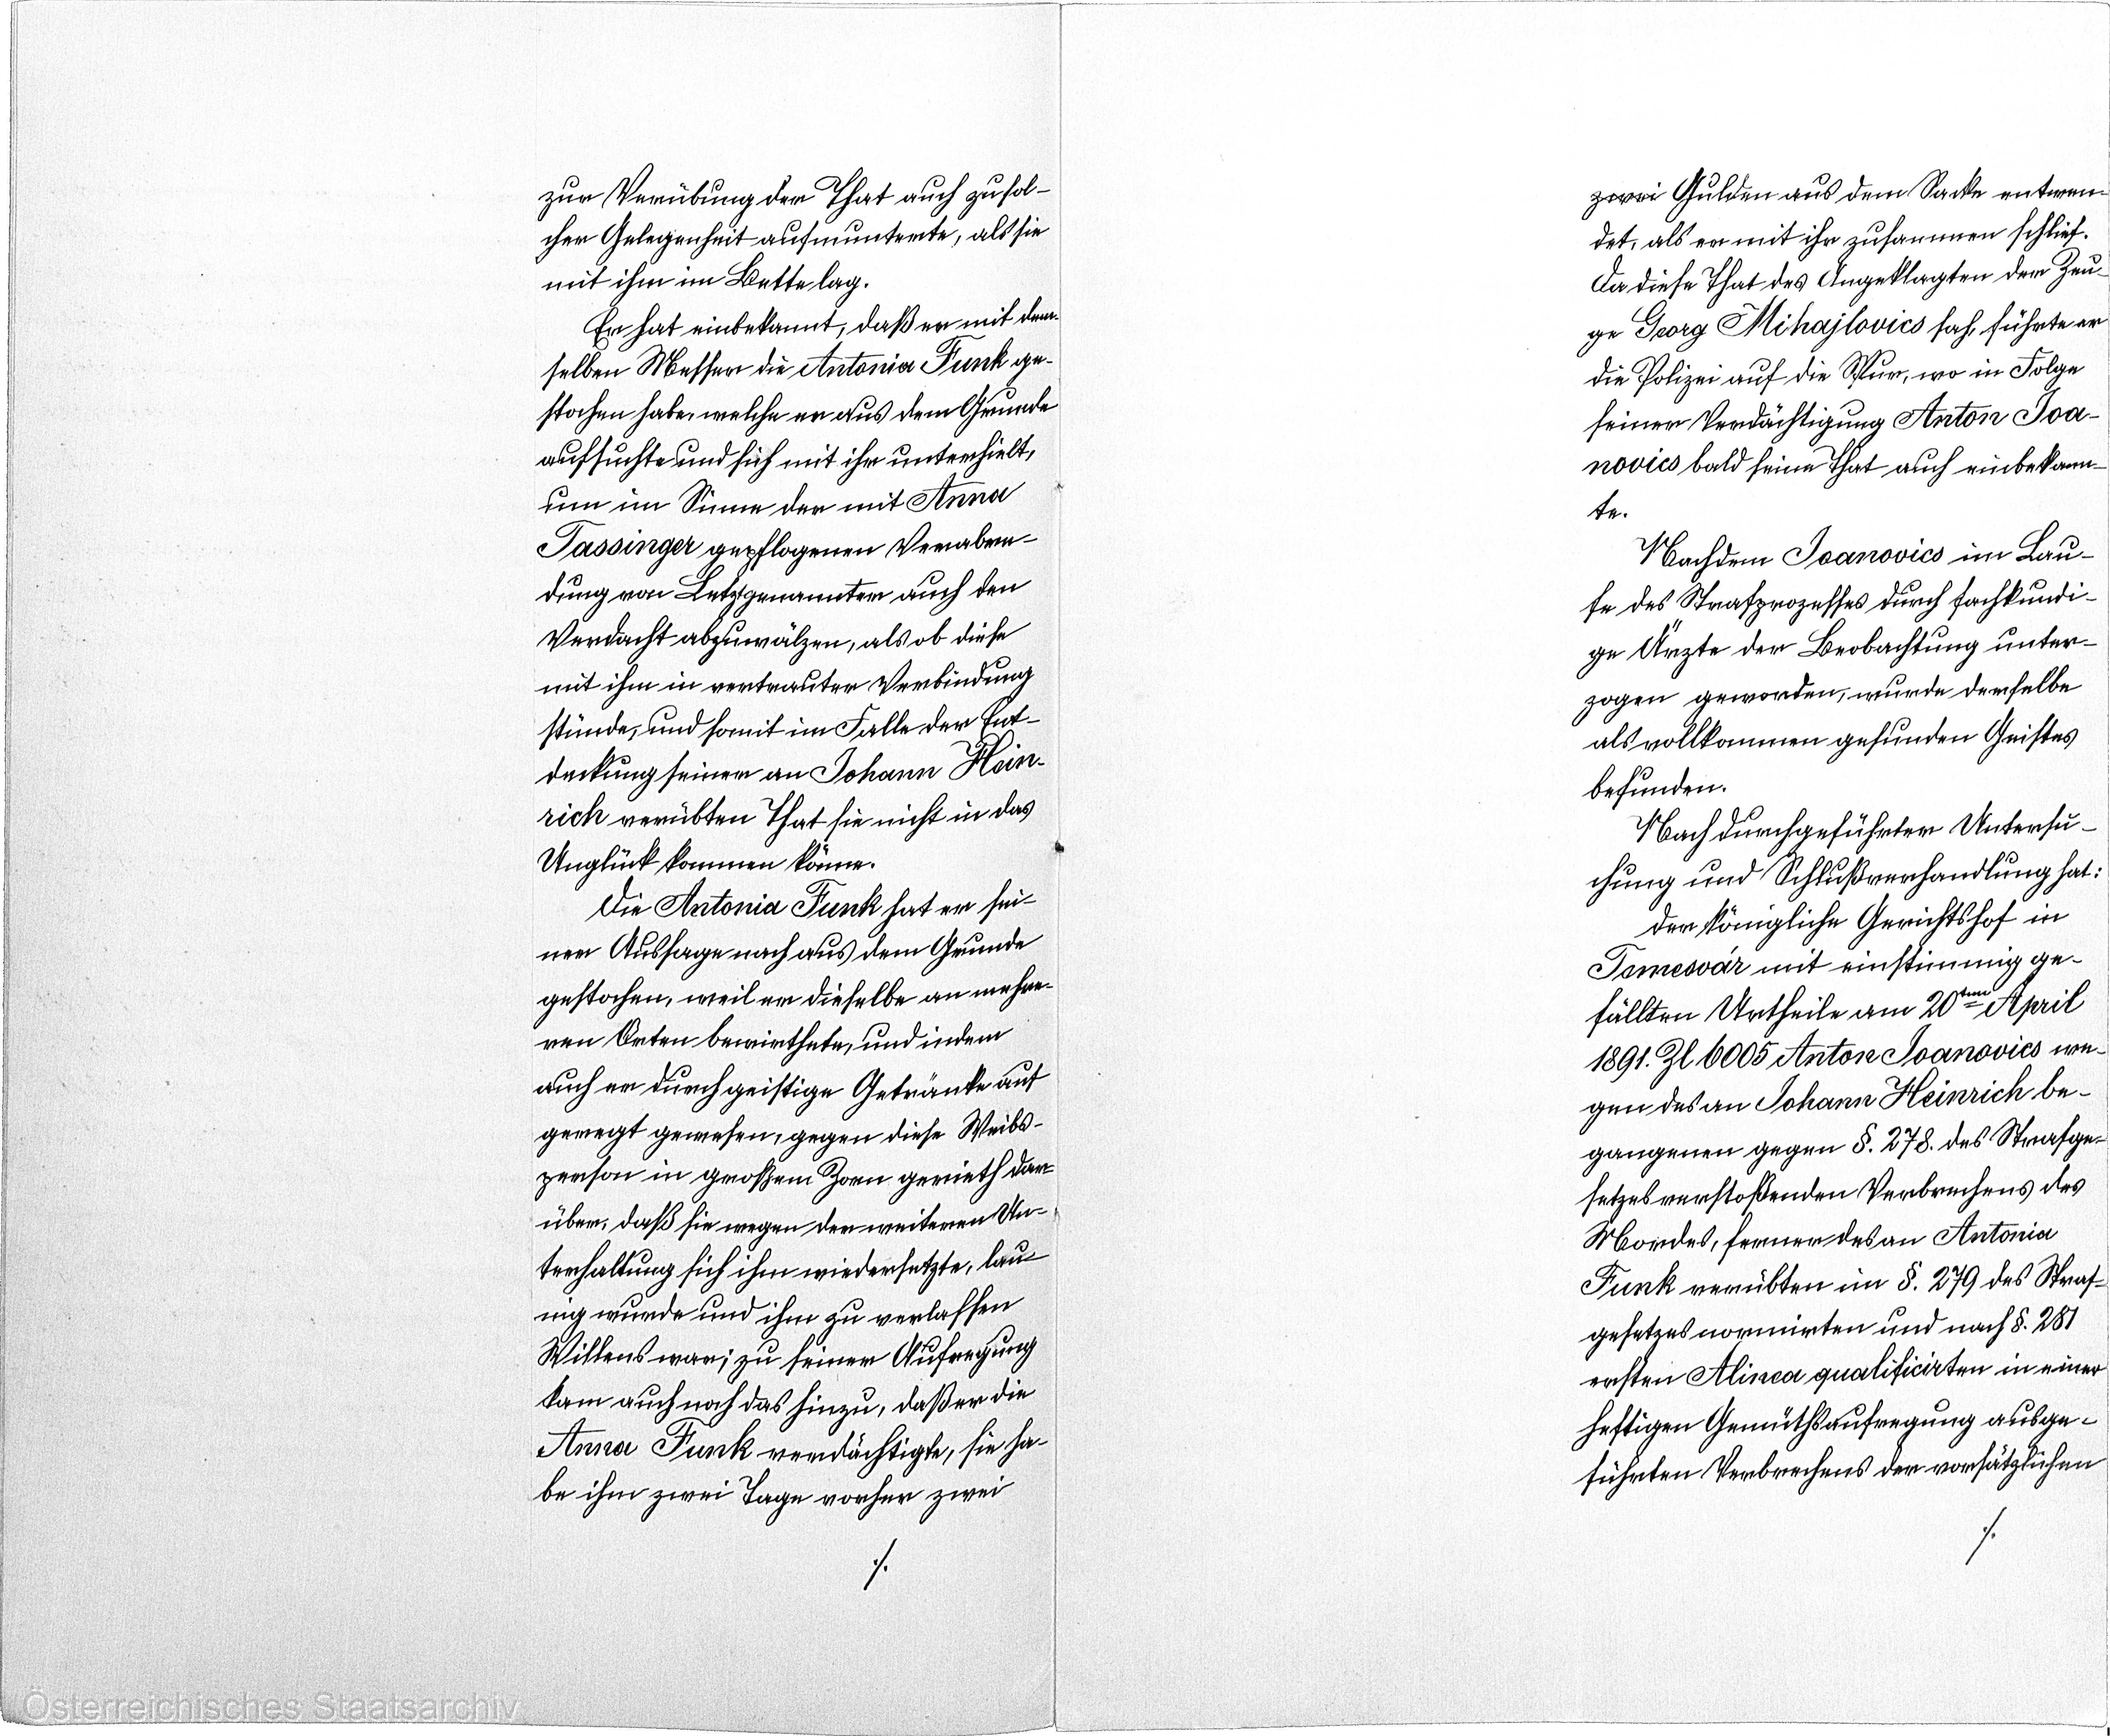zur Verübung der That auch zu sol¬
cher Gelegenheit aufmunterte, als sie
mit ihm im Bette lag.
Er hat einbekannt, daß er mit dem¬
selben Messer die Antonia Funk ge¬
stochen habe, welche er aus dem Grunde
aufsuchte und sich mit ihr unterhielt,
um im Sinne der mit Anna
Tassinger gepflogenen Verabre¬
dung von Letztgenannter auch den
Verdacht abzuwälzen, als ob diese
mit ihm in vertrauter Verbindung
stünde, und somit im Falle der Ent¬
deckung seiner an Johann Hein¬
rich verübten That sie nicht in das
Unglück kommen könne.
Die Antonia Funk hat er sei¬
ner Aussage nach aus dem Grunde
gestochen, weil er dieselbe an mehre¬
ren Orten bewirthete, und indem
auch er durch geistige Getränke auf¬
geregt gewesen, gegen diese Weibs¬
person in großem Zorn geriet dar¬
über, daß sie wegen der weiteren Un¬
terhaltung sich ihm widersetzte, lau¬
nig wurde und ihm zu verlassen
Willens war; zu seiner Aufregung
kam auch noch das hinzu, daß er die
Anna Funk verdächtigt, sie ha¬
be ihm zwei Tage vorher zwei
Gulden aus dem Sacke entwen¬
det, als er mit ihr zusammen schlief.
Da diese That des Angeklagten der Zeu¬
ge Georg Mihajlovics sah, führte er
die Polizei auf die Spur, wo in Folge
seiner Verdächtigung Anton Ioa¬
novics bald seine That auch einbekann¬
te.
Nachdem Ioanovics im Lau¬
fe des Strafprozesses durch fachkundi¬
ge Ärzte der Beobachtung unter¬
zogen geworden, wurde derselbe
als vollkommen gesunden Geistes
befunden.
Nach durchgeführter Untersu¬
chung und Schlußverhandlung hat:
der königliche Gerichtshof in
Temesvár mit einstimmig ge¬
fällten Urtheile am 20ten April
1891 Zl 6005 Anton Ioanovics we¬
gen des an Johann Heinrich be¬
gangenen gegen §278 des Strafge¬
setzes verstoßenden Verbrechens des
Mordes, ferner des an Antonia
Funk verübten im §279 des Straf¬
gesetzes normirten und nach §281
ersten Alinea qualificirten in einer
heftigen Gemüthsaufregung ausge¬
führten Verbrechens der vorsätzlichen